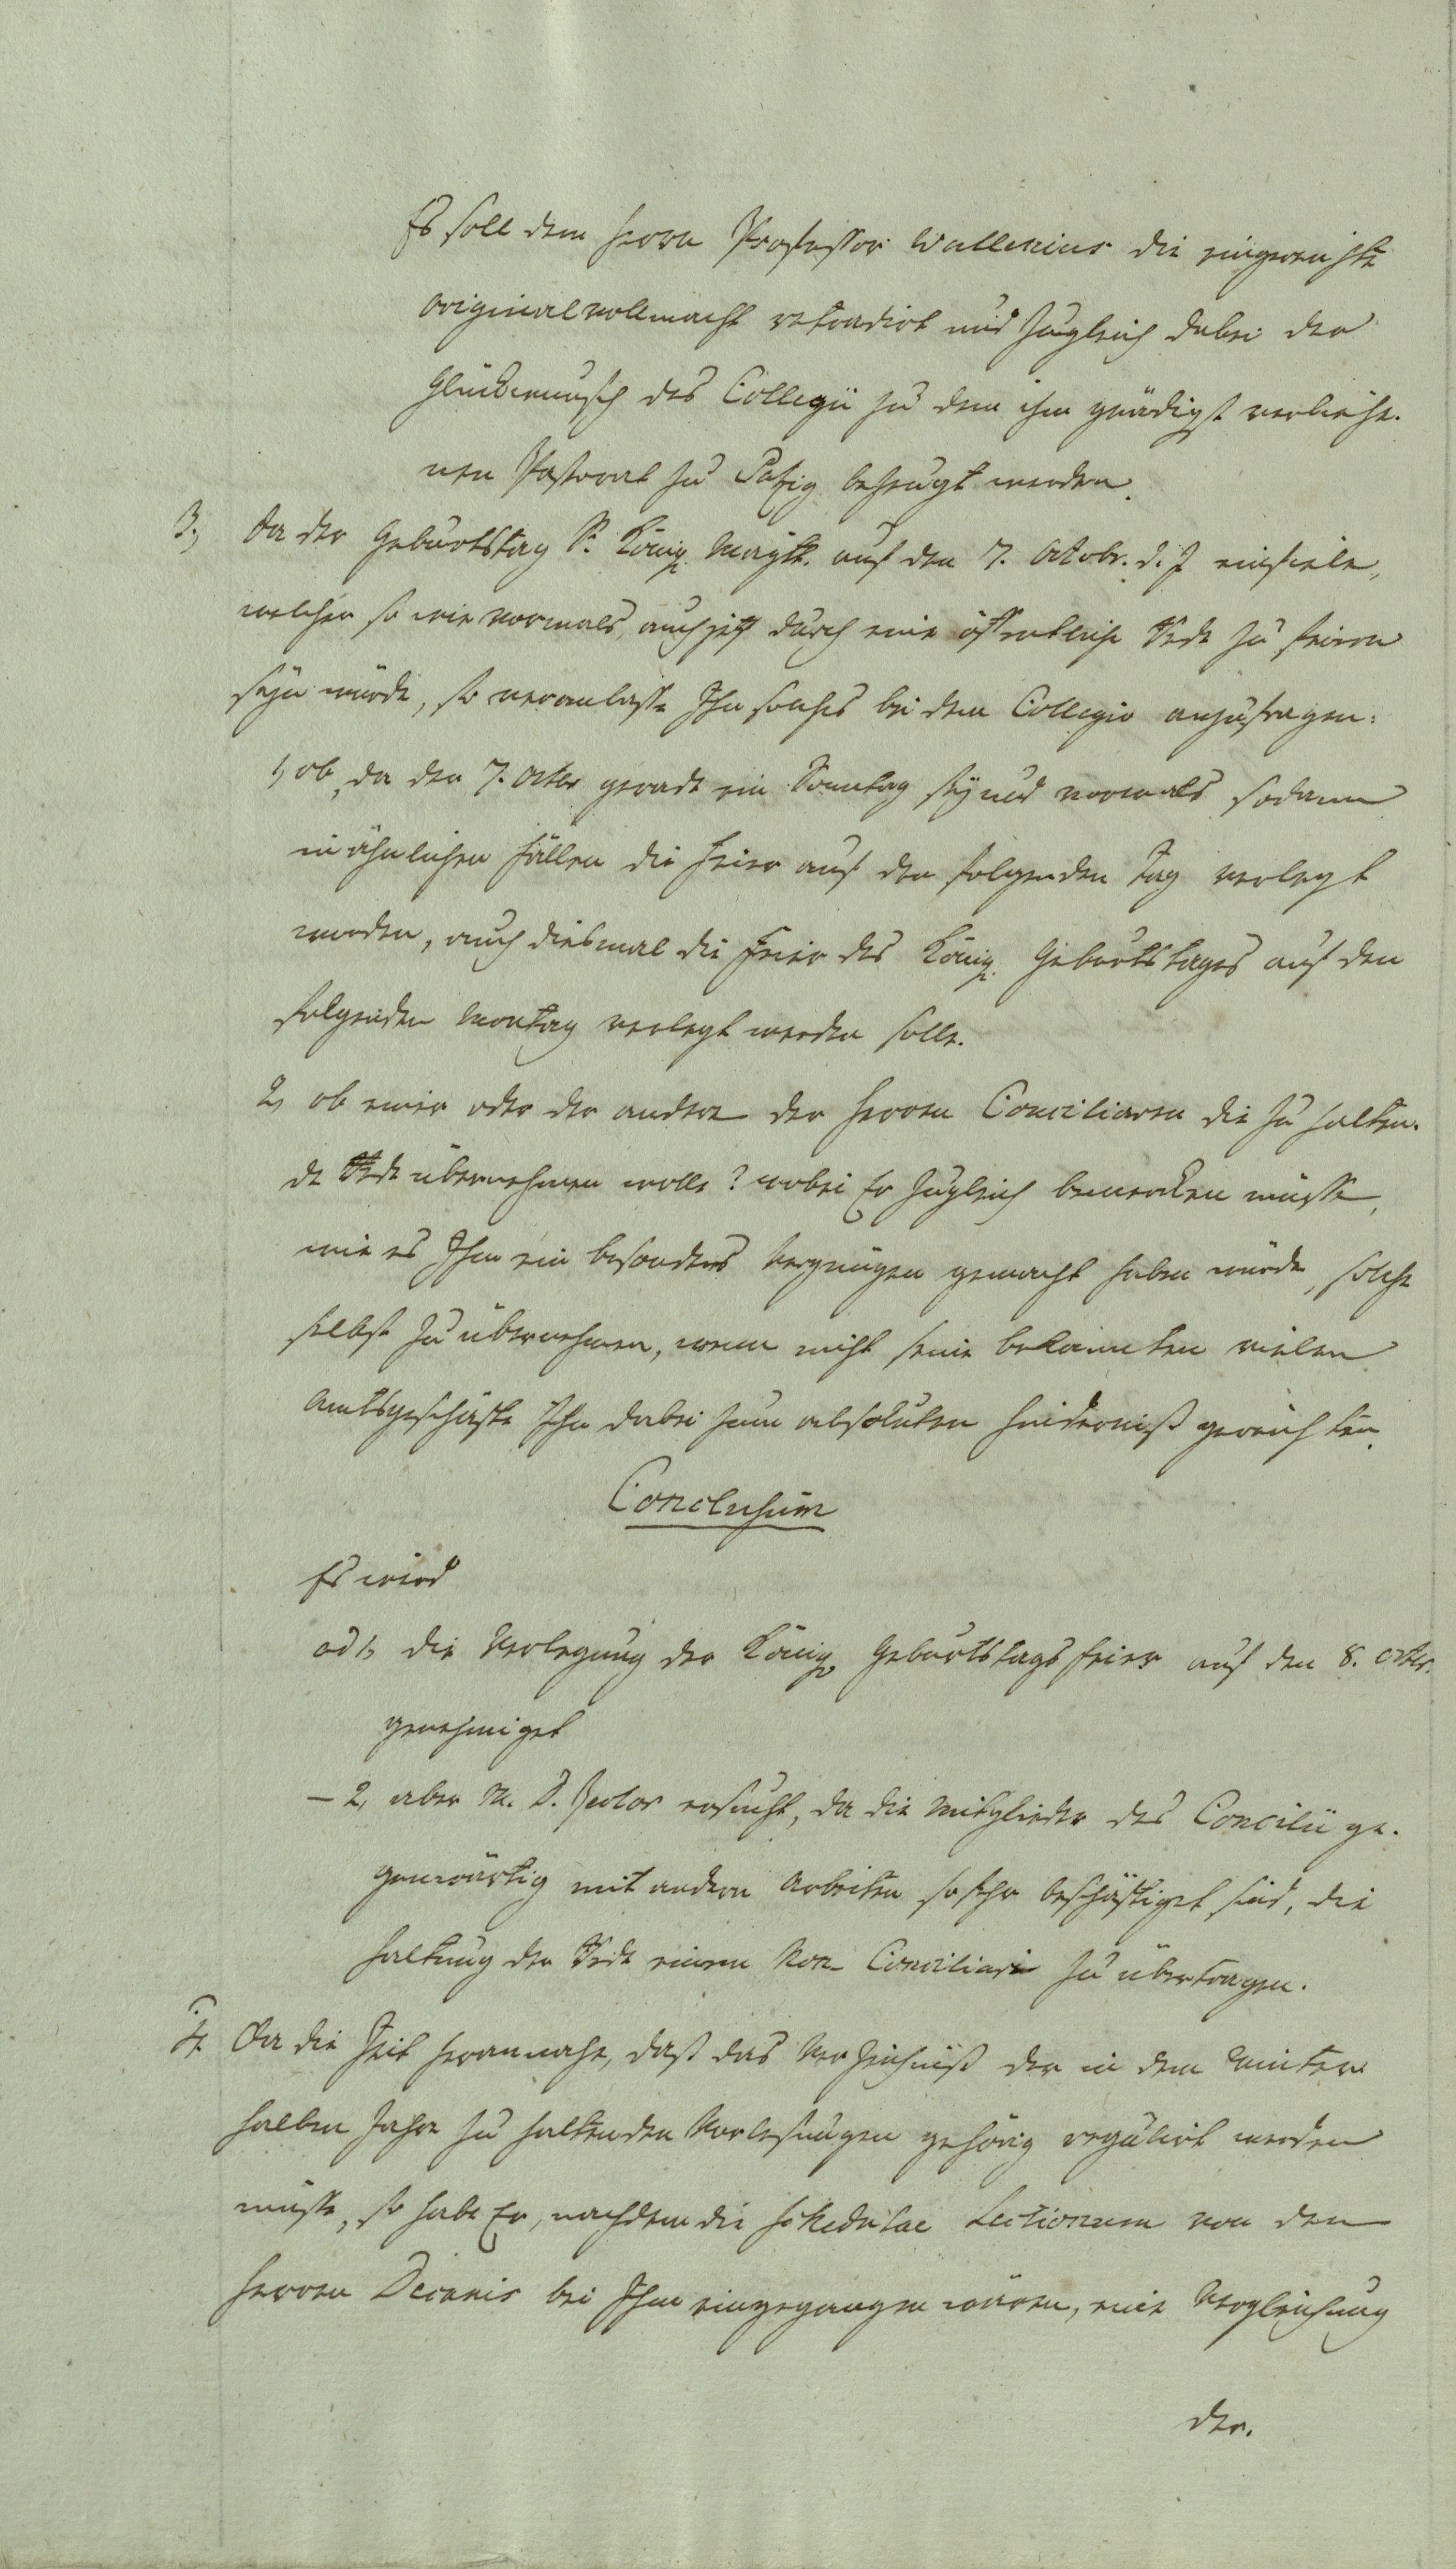Es soll dem herrn Professor Wallenius die eingereichte
originalvollmacht retradirt und zugleich dabei der
Glückwunsch des Collegii zu dem ihm gnädigst verliehe¬
nen Pastorat zu Patzig bezeugt werden.
3. da der Geburtstag Sr. Königl. Maÿtt. auf den 7. Octobr. d. J. einfiele,
welcher so wie vormals, auch jetzt durch eine öffentliche Rede zu feiern
seÿn würde, so veranlasse Ihn solches bei dem Collegio anzufragen:
1, ob, da der 7. Octbr. gerade ein Sonntag seÿ und vormals sodann
in ähnlichen Fällen die Feier auf den folgenden Tag verlegt
worden, auch diesmal die Feier des Königl. Geburtstages auf den
folgenden Montag verlegt werden solle.
2, ob einer oder der andere der herren Conciliaren die zu halten¬
de Rede übernehmen wolle? wobei Er zugleich bemercken müsse,
wie es Ihm ein besonderes Vergnügen gemacht haben würde, solche
selbst zu übernehmen, wenn nicht seine bekannten vielen
Amtsgeschäfte Ihm dabei zum absoluten Hinderniß gereichten.
Conclusum
Es wird
ad 1, die Verlegung der Königl. Geburtstagsfeier auf den 8. octbr.
genehmiget.
2, aber M. D. Rector ersucht, da die Mitglieder des Concilii ge¬
genwärtig mit andern Arbeiten so sehr beschäftiget sind, die
Haltung der Rede einem Non. Conciliari zu übertragen.
4. Da die Zeit herannahe, daß das Verzeichniß der in dem Wintern¬
halben Jahr zu haltenden Vorlesungen gehörig regulirt werden
müsse, so habe Er, nachdem die Schedulae Lectionum von den
herren Decanis bei Ihm eingegangen wären, eine Vergleichung
der.